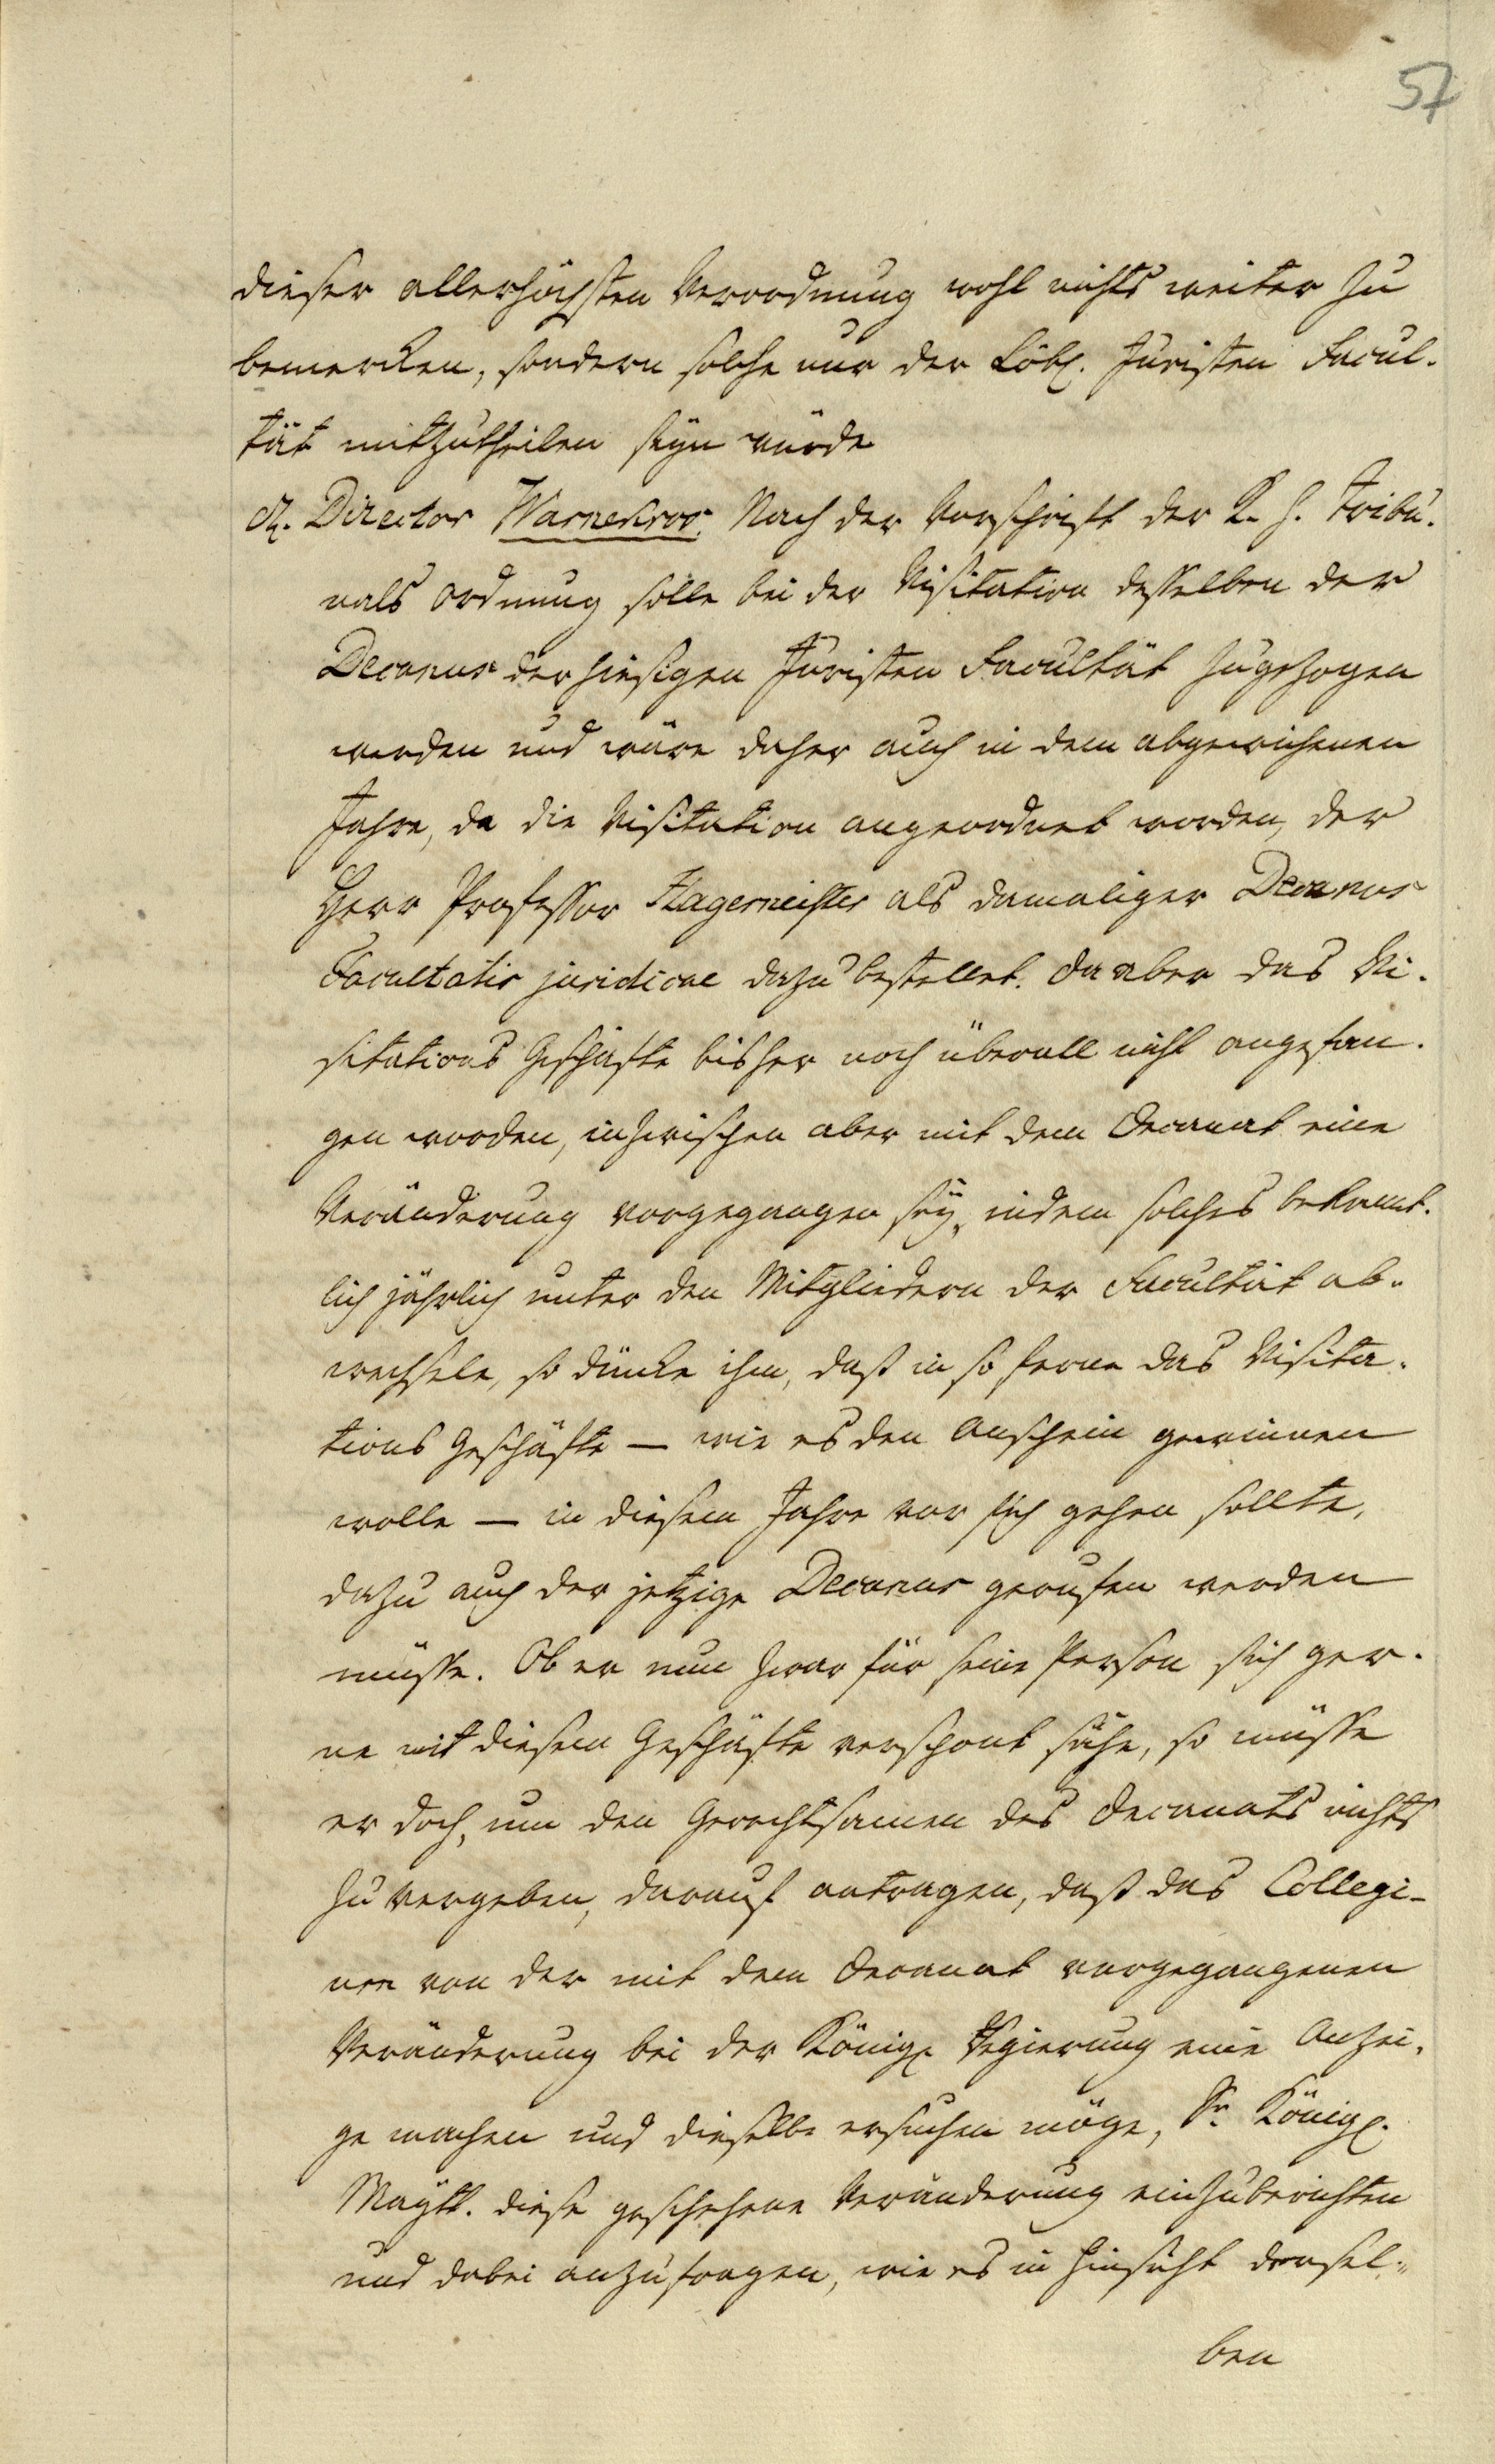dieser allerhöchsten Verordnung wohl nichts weiter zu
bemercken, sondern solche nur der Löbl. Juristen Facul¬
tät mitzutheilen seÿn würde.
dh. Director Warnekros. Nach der Vorschrift der K. h. Tribu¬
nals Ordnung solle bei der Visitation desselben der
Decanus der hiesigen Juristen Facultät zugezogen
werden und wäre daher auch in dem abgewichenen
Jahre, da die Visitation angeordnet worden, der
Herr Professor Hagemeister als damaliger Decanus
Facultatis juridicae dazu bestelle. Da aber das Vi¬
sitations Geschäfte bisher noch überall nicht angefan¬
gen worden, inzwischen aber mit dem Decanat eine
Veränderung vorgegangen seÿ, indem solches bekannt¬
lich jährlich unter den Mitgliedern der Facultät ab¬
wechsele, so düncke ihm, daß in so ferne das Visita¬
tions Geschäfte wie es den Anschein gewinnen
wolle in diesem Jahre vor sich gehen sollte,
dazu auch der jetzige Decanus gerufen werden
müsse. Ob er nun zwar für seine Person sich ger¬
ne mit diesem Geschäfte verschont sähe, so müsse
er doch, um den Gerechtsamen des Decanats nichts
zu vergeben, darauf antragen, daß das Collegi¬
um von der mit dem Decanat vorgegangenen
Veränderung bei der Königl. Regierung eine Anzei¬
ge machen und dieselbe ersuchen möge, Sr Königl.
Maÿtt. diese geschehene Veränderung einzuberichten
und dabei anzufragen, wie es in Hinsicht dersel¬
ben